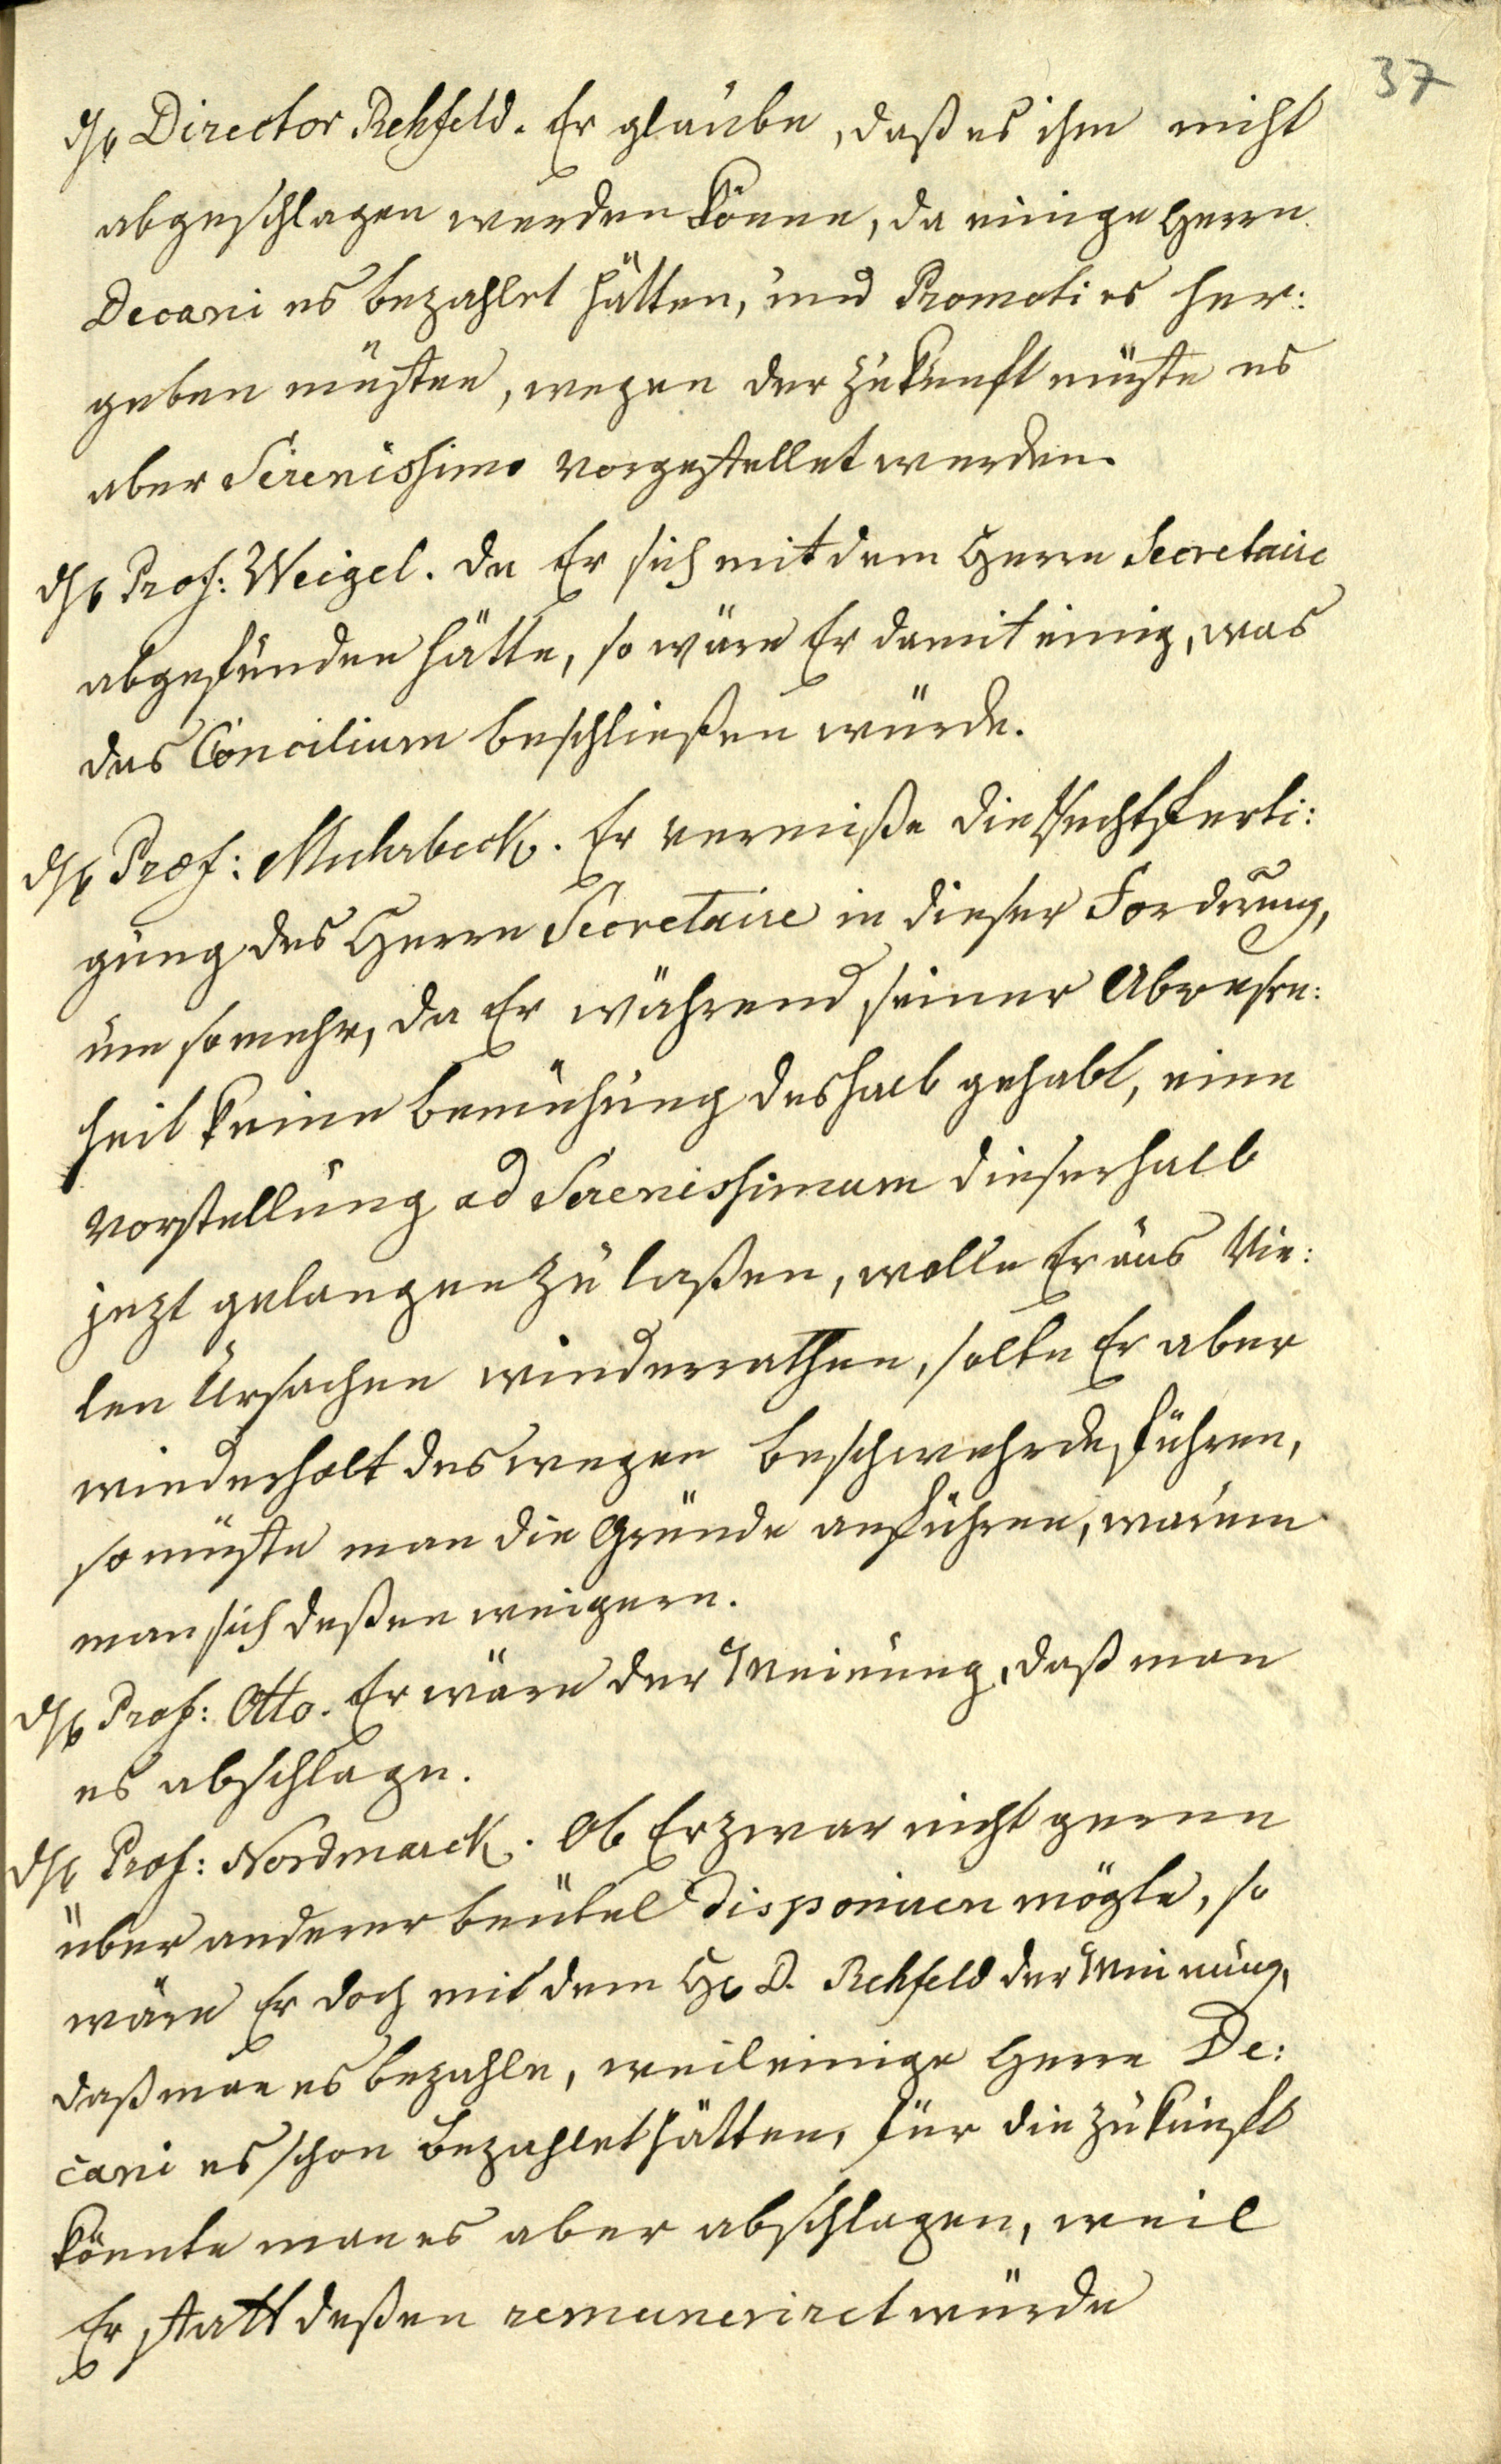dh Director Rehfeld. Er glaube, daß es ihm nicht
abgeschlagen werden könne, da einige Herrn
Decani es bezahlet hätten, und Promoti es her¬
geben müsten, wegen der Zukunft müßte es
aber Serenissimo vorgestellet werden.
dh Prof. Weigel. Da Er sich mit dem Herrn Secretaire
abgefunden hätte, so wäre Er damit einig, was
das Concilium beschließen würde.
dh Prof. Muhrbeck. Er vermiße die Rechtferti¬
gung des Herrn Secretaire in dieser Forderung,
um so mehr, da Er während seiner Abwesen¬
heit keine Bemühung deshalb gehabt, eine
vorstellung ad Serenissimum dieserhalb
jezt gelangen zu laßen, wolle Er aus vie¬
len Ursachen wiederrathen, solte Er aber
wiederholt deswegen Beschwehrdeführen,
so müste man die Gründe anführen, warum
man sich deßen weigere.
dh Prof. Otto. Er wäre der Meinung, daß man
es abschlage.
dh Prof. Nordmarck Ob. Er zwar nicht gerne
über anderer Beutel disponiren mögte, so
wäre Er doch mit dem H D. Rehfeld der Meinung,
daß man es bezahle, weil einige Herrn De¬
cani es schon bezahlet hätten, für die Zukunft
könnte man es aber abschlagen, weil
Er statt deßen remuneriret würde.